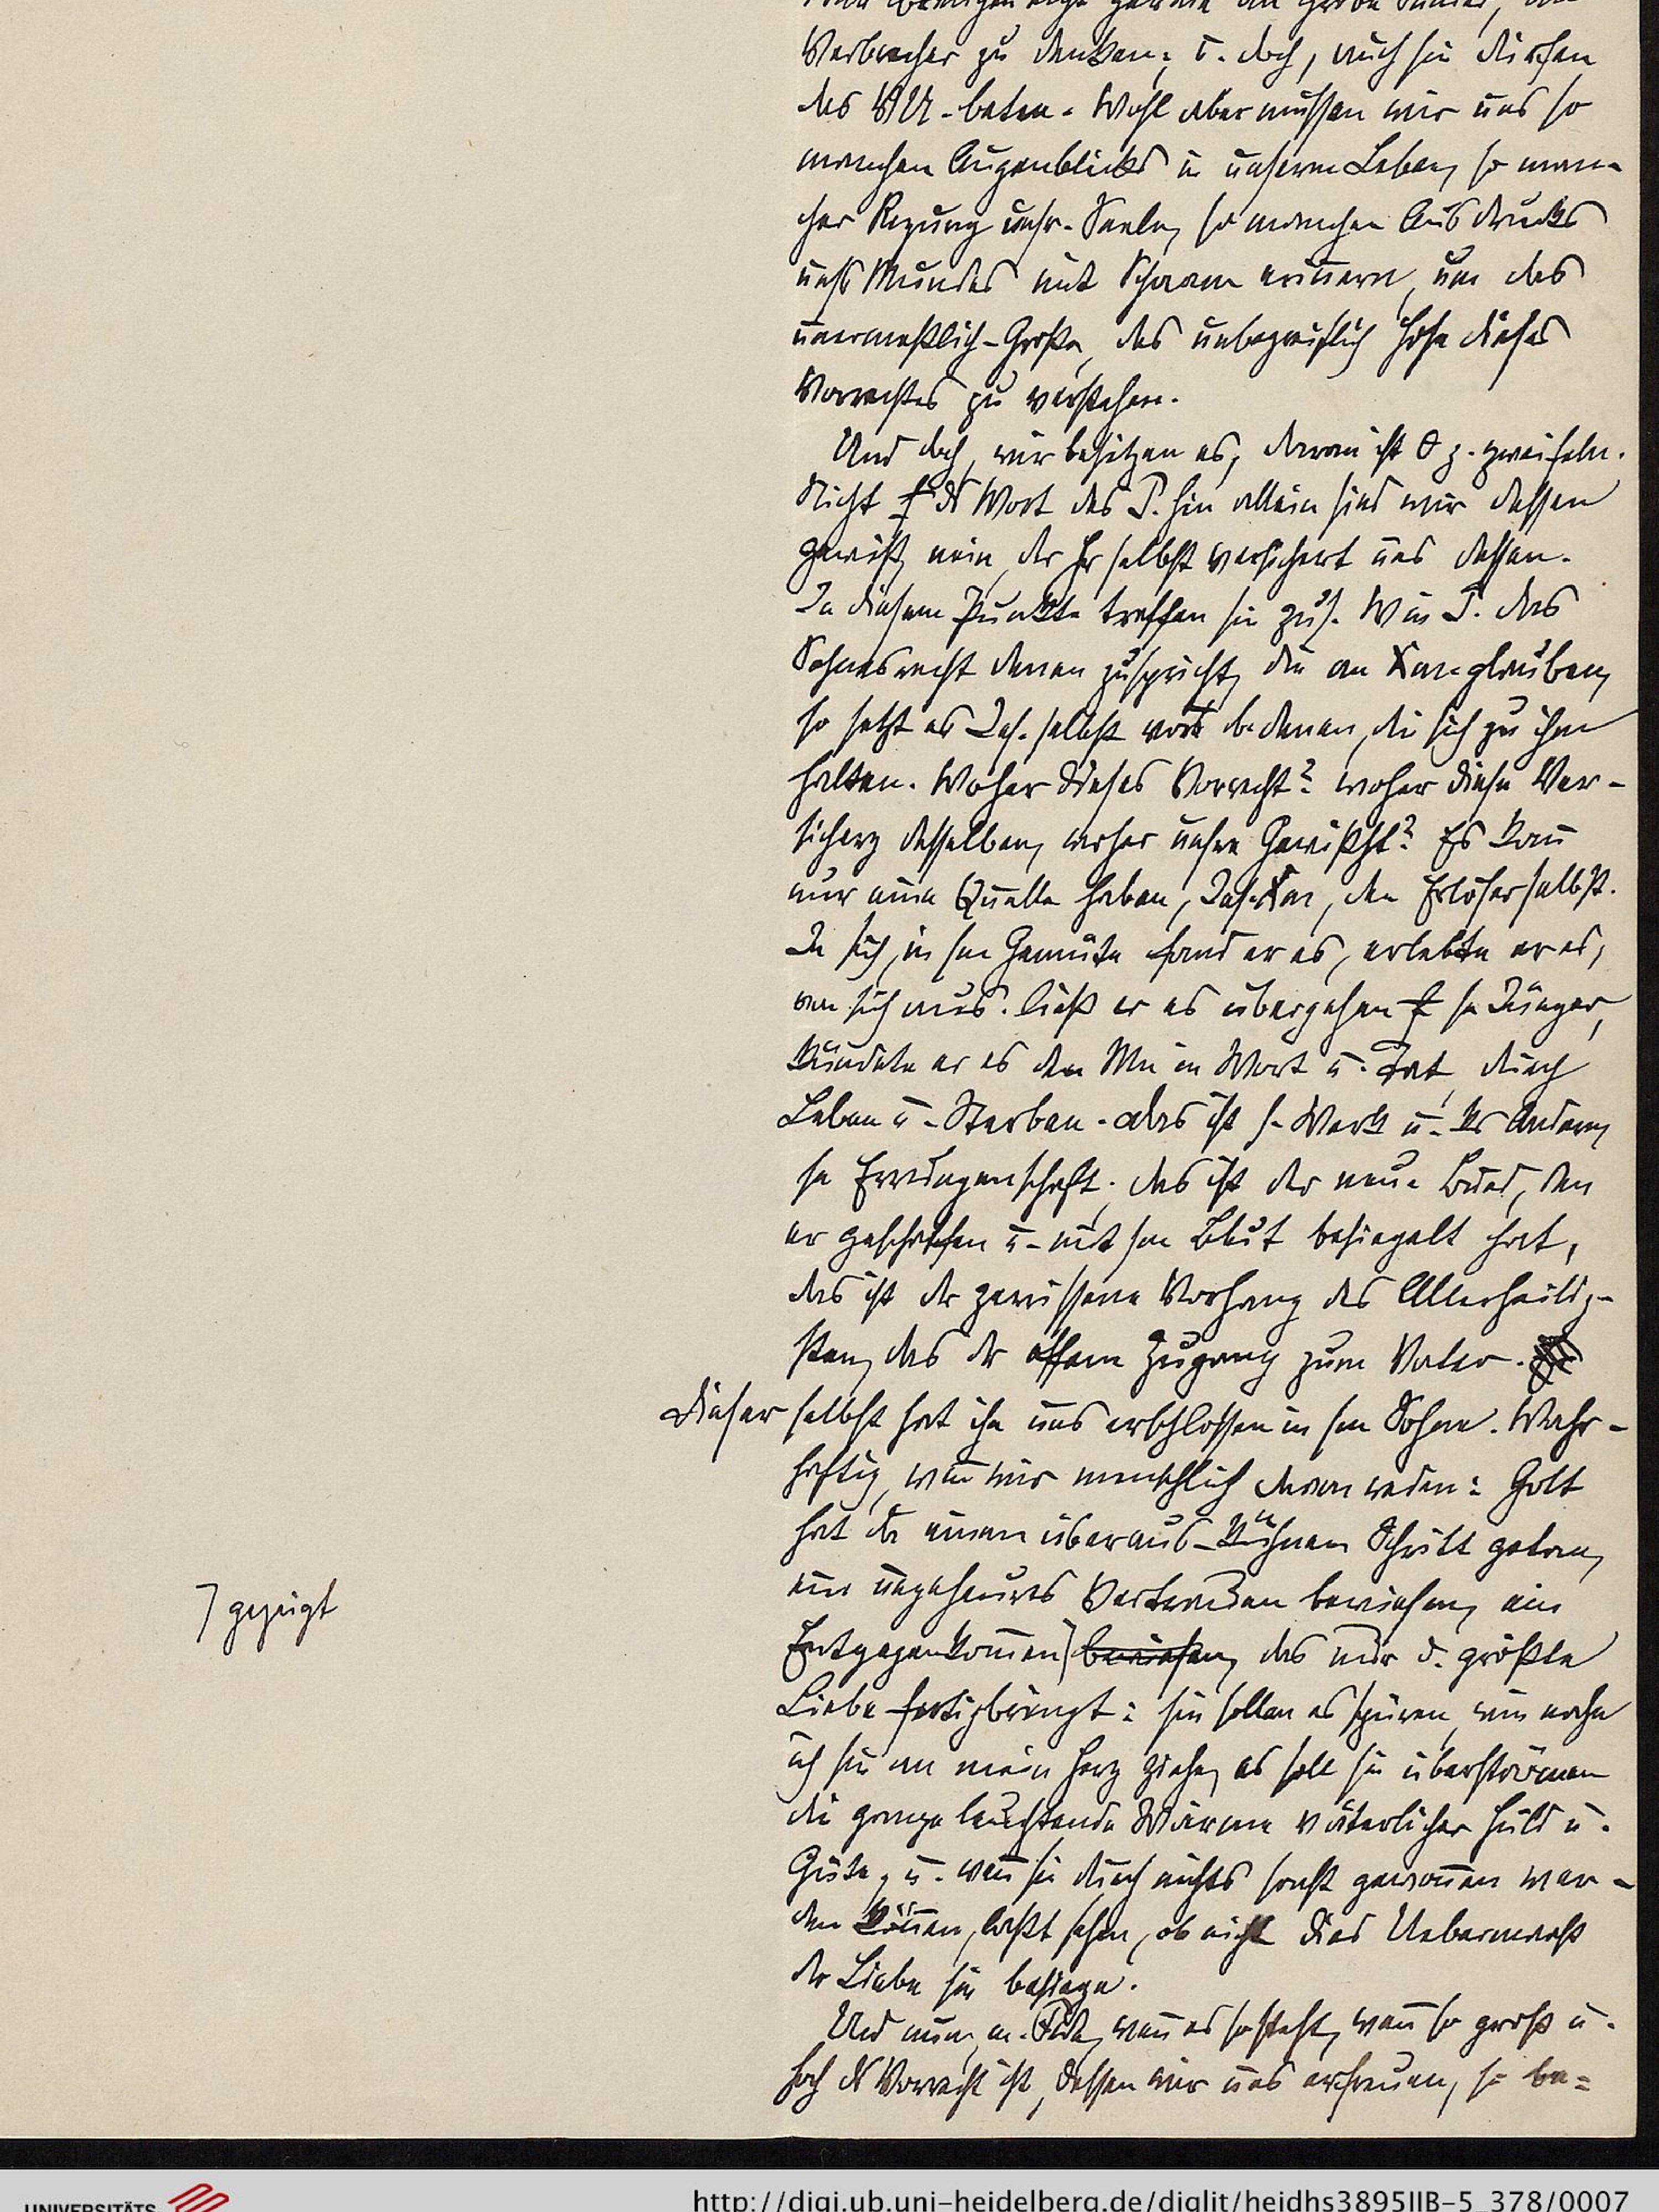] gezeigt
Dieser
Verbrecher zu denken; u. doch, auch sie dürfen
das VU. beten. Wohl aber müssen wir uns so
manchen Augenblicks in unserem Leben, so man¬
cher Regung unsr. Seele, so manchen Ausdrucks
unss Mundes mit Scharm erinnern, um das
unermeßlich_Große, das unbegreiflich Hohe dieses
Vorrechte zu verstehen.
Und doch, wir besitzen es daran, ist o z. zweifeln.
Nich f. ds Wort des P. hin allein sind wir dessen
gewiß, nein, der Hr. selbst versichert uns dessen.
In diesem Punkt trefen sie zu. Wie P. das
Sohnesrecht denen zuspricht, die an Χm glauben,
so setzt es Jes. selbst vor b. denen, die sich zu ihm
halten. Woher dieses Vorrecht? woher diese Ver¬
sicherg gesselben, woher unsre Gewißht? Es kan
nur eine Quelle haben, Jes Χm, den Erlöser selbst.
In sich, in sm Gemüte fand er es, erlebte er es,
von sich aus. Ließ er es übergehen f sn Jünger,
kündete er es den Mn in Wort u. Tat, durch
Leben u. Sterben. Das ist s Werk u. ks Anderen,
sn Errungenschaft; das ist der neue Bund, den
er geschaffen u. mit dem Blut besiegelt hat,
das ist der zerrissene Vorhang des Allerheilig¬
sten, das der offene Zugang zum Vater. Er
selbst hat ihn uns erschlossen in sm Sohn. Wahr¬
haftig, wie wir menschlich davon reden: Gott
hat da einen überaus_kühnen Schritt getan,
ein ungeheures Vertrauen bewiesen, ein
Entgegenkomen ], das nur d. größte
Liebe fertigbringt: sie sollen es spüren, wie nahe
ich sie an man Herz ziehe, es soll sie überströmen
die ganze leuchtende Wärme väterlicher Huld u.
Güte: u. wen sie durch nichts sonst gewonnen wer¬
den könen, laßt sehen, ob nicht dies Uebermaaß
der Liebe sie besiegen.
Und nun, m. Frde, wen es so steht, wen so groß u.
hoch ds Vorrecht ist, dessen wir uns erfreuen, so be¬